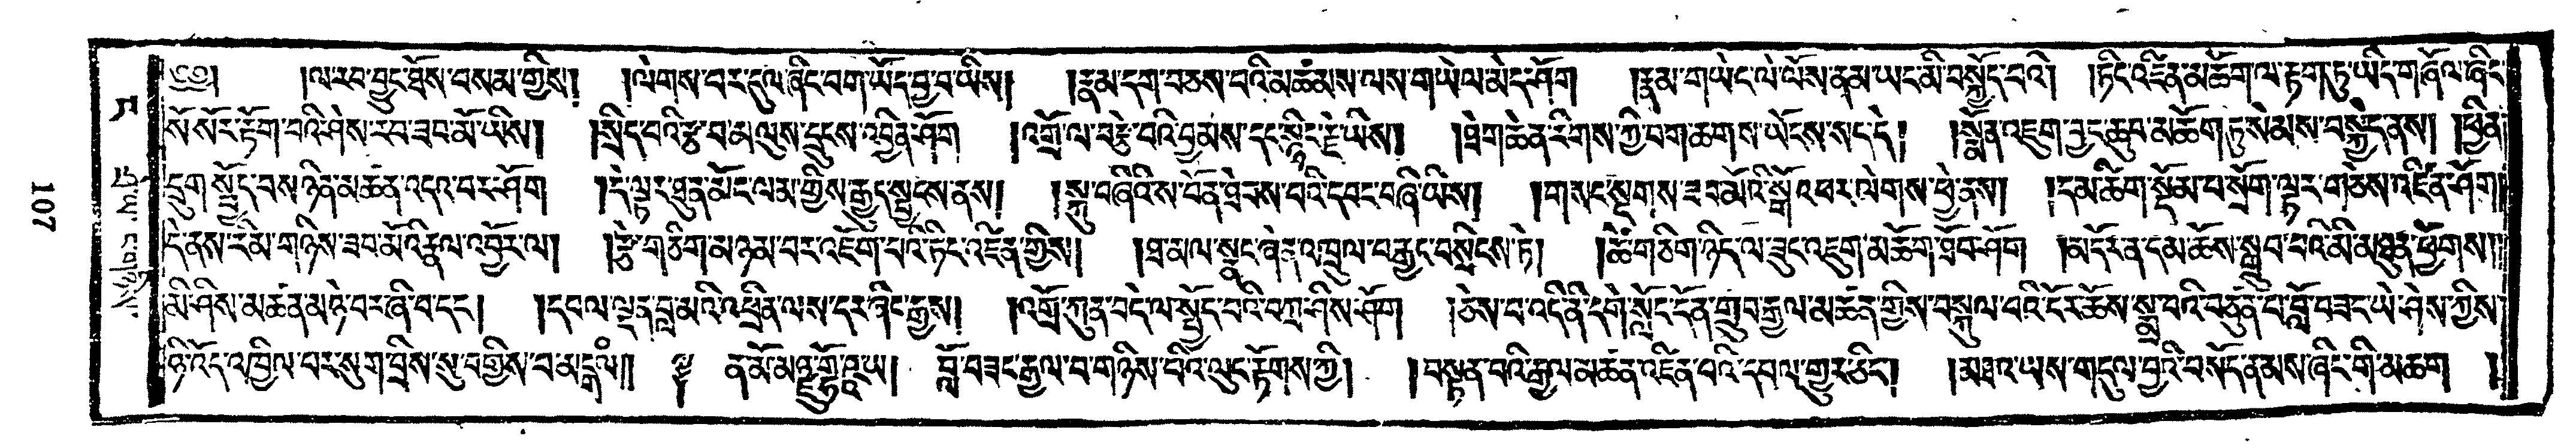༄༅། །ལ་རབ་བྱུང་ཐོས་བསམ་གྱིས། །ལེགས་པར་དུལ་ཞིང་བག་ཡོད་བྱ་བ་ཡིས། །རྣམ་དག་བཅས་པའི་མཚམས་ལས་གཡེལ་མེད་ཤོག །རྣམ་གཡེང་ལེ་ལོས་ནམ་ཡང་མི་བསྐྱོད་བའི། །ཏིང་འཛིན་མཆོག་ལ་རྟག་ཏུ་ཡིད་གཞོལ་ཞིང་
སོ་སོར་རྟོག་བའི་ཤེས་རབ་ཟབ་མོ་ཡིས། །སྲིད་པའི་རྩ་བ་མ་ལུས་དྲུངས་འབྱིན་ཤོག །འགྲོ་ལ་བརྩེ་བའི་བྱམས་དང་སྙིང་རྗེ་ཡིས། །ཐེག་ཆེན་རིགས་ཀྱི་བག་ཆགས་ཡོངས་སད་དེ། །སྨོན་འཇུག་བྱང་ཆུབ་མཆོག་ཏུ་སེམས་བསྐྱེད་ནས། །ཕྱིན་
དྲུག་སྤྱོད་བས་ཉིན་མཚན་འདའ་བར་ཤོག །དེ་ལྟར་ཐུན་མོང་ལམ་གྱིས་རྒྱུད་སྤྱངས་ནས། །སྐུ་བཞིའི་ས་བོན་ཐེབས་བའི་དབང་བཞི་ཡིས། །གསང་སྔགས་ཟབ་མོའི་སྒོ་འཕར་ལེགས་ཕྱེ་ནས། །དམ་ཚིག་སྡོམ་པ་སྲོག་ལྟར་གཅེས་འཛིན་ཤོག།
དེ་ནས་རིམ་གཉིས་ཟབ་མོའི་རྣལ་འབྱོར་ལ། །རྩེ་གཅིག་མཉམ་བར་འཇོག་པའི་ཏིང་འཛིན་གྱིས། །ཐ་མལ་སྣང་ཞེན་འཁྲུལ་བརྒྱད་བསྲིངས་ཏེ། །ཚེ་གཅིག་ཉིད་ལ་ཟུང་འཇུག་མཆོག་ཐོབ་ཤོག །མདོར་ན་དམ་ཆོས་སྒྲུབ་པའི་མི་མཐུན་ཕྱོགས།།
མི་ཤིས་མཚན་མཉེ་བར་ཞི་བ་དང་། །དབལ་ལྡན་བླ་མའི་འཕྲིན་ལས་དར་ཞིང་རྒྱས། །འགྲོ་ཀུན་བདེ་ལ་སྤྱོད་བའི་བཀྲ་ཤིས་ཤོག །ཅེས་པ་འདི་ནི་དགེ་སློང་དོན་གྲུབ་རྒྱལ་མཚན་གྱིས་བསྐུལ་བའི་ངོར་ཆོས་སྨྲ་བའི་བཙུན་པ་བློ་བཟང་ཡེ་ཤེས་ཀྱིས་
ཉི་འོད་འཁྱིལ་པར་སུག་བྲིས་སུ་བགྱིས་པ་མངྒལཾ།། ༈ ན་མོ་མཉྫུ་གྷོ་ཥཱ་ཡ། བློ་བཟང་རྒྱལ་བ་གཉིས་པའི་ལུང་རྟོགས་ཀྱི། །བསྟན་པའི་རྒྱལ་མཚན་འཛིན་པའི་དཔལ་གྱུར་ཅིང་། །མཐའ་ཡས་གདུལ་བྱའི་བསོད་ནམས་ཞིང་གི་མཆག །